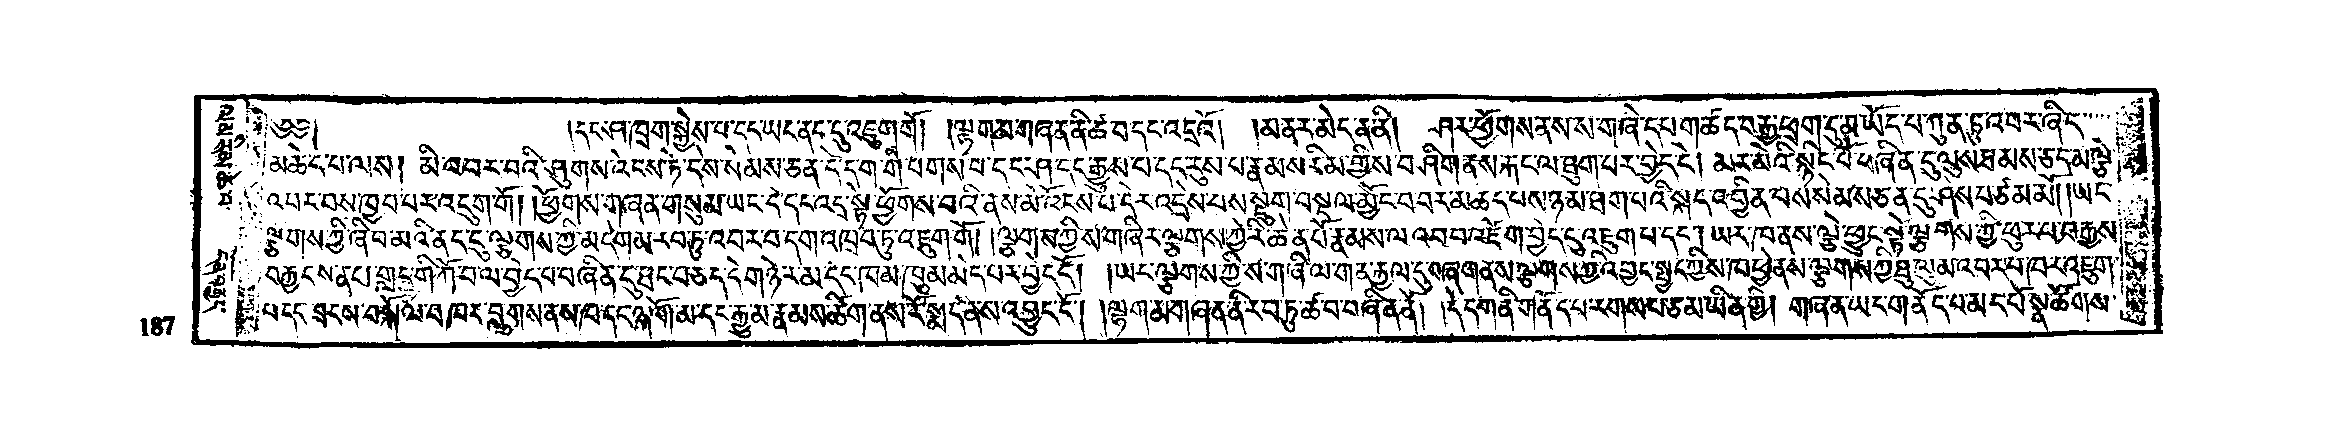༄༅། །དང་ཤ་ཁྲག་སྐྱེས་པ་དང་ཡང་ནང་དུ་འཇུག་གོ། །ལྷག་མ་གཞན་ནི་ཚ་བ་དང་འདྲའོ། །མནར་མེད་ན་ནི། ཤར་ཕྱོགས་ནས་ས་གཞི་དཔག་ཚད་བརྒྱ་ཕྲག་དུ་མ་ཡོད་པ་ཀུན་ཏུ་འབར་ཞིང་
མཆེད་པ་ལས། མེ་འབར་བའི་ཤུགས་འོངས་ཏེ་དེས་སེམས་ཅན་དེ་དག་གི་པགས་པ་དང་ཤ་དང་རྒྱུས་པ་དང་རུས་པ་རྣམས་རིམ་གྱིས་བཤིག་ནས་རྐང་ལ་ཐུག་པར་བྱེད་དེ། མར་མེའི་སྙིང་པོ་བཞིན་དུ་ལུས་ཐམས་ཅད་མེ་ལྕེ་
འབར་བས་ཁྱབ་པར་འདུག་གོ། །ཕྱོགས་གཞན་གསུམ་ཡང་དེ་དང་འདྲ་སྟེ་ཕྱོགས་བཞི་ནས་མེ་འོངས་པ་དེར་འདྲེས་པས་སྡུག་བསྔལ་མྱོང་བ་བར་མ་ཆད་པས་ཉམ་ཐག་པའི་སྐད་འབྱིན་པས་སེམས་ཅན་དུ་ཤེས་པ་ཙམ་མོ། །ཡང་
ལྕགས་ཀྱི་ཞིབ་མའི་ནང་དུ་ལྕགས་ཀྱི་མདག་མ་རབ་ཏུ་འབར་བ་དག་འཁྲབ་ཏུ་འཇུག་གོ། །ལྕགས་ཀྱི་ས་གཞིར་ལྕགས་ཀྱི་རི་ཆེན་པོ་རྣམས་ལ་འབབ་འཛེག་བྱེད་དུ་འཇུག་པ་དང་། ཡང་ཁ་ནས་ལྕེ་ཕྱུང་སྟེ་ལྕགས་ཀྱི་ཕུར་པ་བརྒྱས་
བརྒྱངས་ནས་གླང་གི་ཀོ་བ་ལ་བྱེད་པ་བཞིན་དུ་ཐང་བཅད་དེ་གཉེར་མ་དང་ཁམ་ཁུམ་མེད་པར་བྱེད་དོ། །ཡང་ལྕགས་ཀྱིས་གཞི་ལ་གན་རྐྱལ་དུ་བཞག་ནས་ལྕགས་ཀྱི་འབྱེད་སྤྱད་ཀྱིས་ཁ་ཕྱེ་ནས་ལྕགས་ཀྱི་ཐུ་ལུམ་འབར་བ་ཁར་འཇུག་
པ་དང་ཟངས་བསྐོལ་བ་ཁར་བླུགས་ནས་ཁ་དང་ལྐོག་མ་དང་རྒྱུ་མ་རྣམས་ཚིག་ནས་རོ་སྨད་ནས་འབྱུང་ངོ། །ལྷག་མ་གཞན་ནི་རབ་ཏུ་ཚ་བ་བཞིན་ནོ། །དེ་དག་ནི་གནོད་པ་རགས་པ་ཙམ་ཡིན་གྱི། གཞན་ཡང་གནོད་པ་མང་པོ་སྣ་ཚོགས་